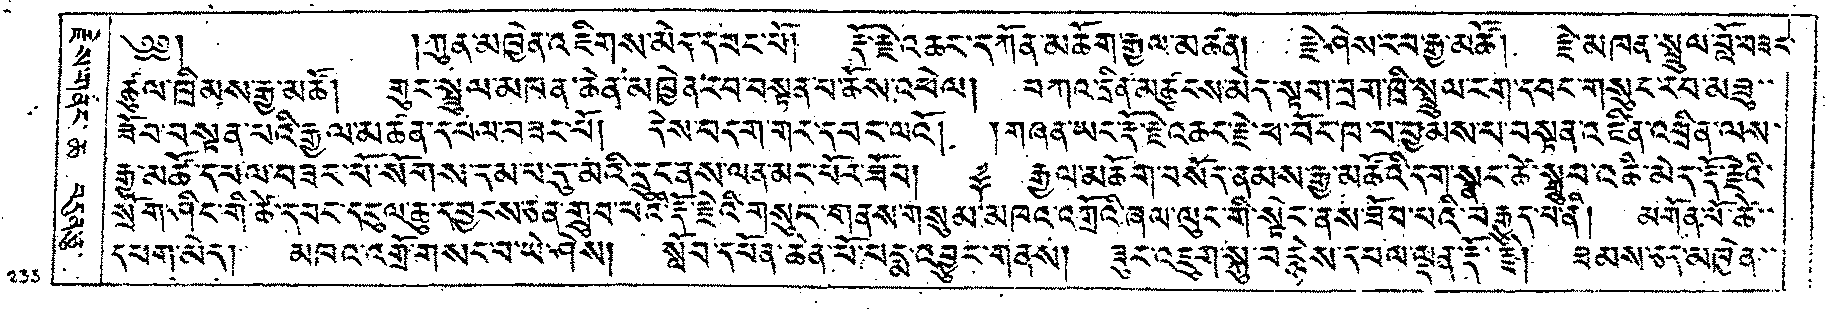༄༅། །ཀུན་མཁྱེན་འཇིགས་མེད་དབང་པོ། རྡོ་རྗེ་འཆང་དཀོན་མཆོག་རྒྱལ་མཚན། རྗེ་ཤེས་རབ་རྒྱ་མཚོ། རྗེ་མཁན་སྤྲུལ་བློ་བཟང་
ཚུལ་ཁྲིམས་རྒྱ་མཚོ། གུང་སྤྲུལ་མཁན་ཆེན་མཁྱེན་རབ་བསྟན་པ་ཆོས་འཕེལ། བཀའ་དྲིན་མཚུངས་མེད་སྟག་བྲག་ཁྲི་སྤྲུལ་ངག་དབང་གསུང་རབ་མཐུ་
ཐོབ་བསྟན་པའི་རྒྱལ་མཚན་དཔལ་བཟང་པོ། དེས་བདག་གར་དབང་ལའོ། །གཞན་ཡང་རྡོ་རྗེ་འཆང་རྗེ་ཕ་བོང་ཁ་པ་བྱམས་པ་བསྟན་འཛིན་འཕྲིན་ལས་
རྒྱ་མཚོ་དཔལ་བཟང་པོ་སོགས་དམ་པ་དུ་མའི་དྲུང་ནས་ལན་མང་པོར་ཐོབ། ༈ རྒྱལ་མཆོག་བསོད་ནམས་རྒྱ་མཚོའི་དག་སྣང་ཚེ་སྒྲུབ་འཆི་མེད་རྡོ་རྗེའི་
སྲོག་ཤིང་གི་ཚེ་དབང་དངུལ་ཆུ་དབྱངས་ཅན་གྲུབ་པའི་རྡོ་རྗེའི་གསུང་གནས་གསུམ་མཁའ་འགྲོའི་ཞལ་ལུང་གི་སྟེང་ནས་ཐོབ་པའི་བརྒྱུད་པ་ནི། མགོན་པོ་ཚེ་
དཔག་མེད། མཁའ་འགྲོ་གསང་བ་ཡེ་ཤེས། སློབ་དཔོན་ཆེན་པོ་པདམ་འབྱུང་གནས། ཟུང་འཇུག་སྐུ་བརྙེས་དཔལ་ལྡན་རྡོ་རྗེ། ཐམས་ཅད་མཁྱེན་